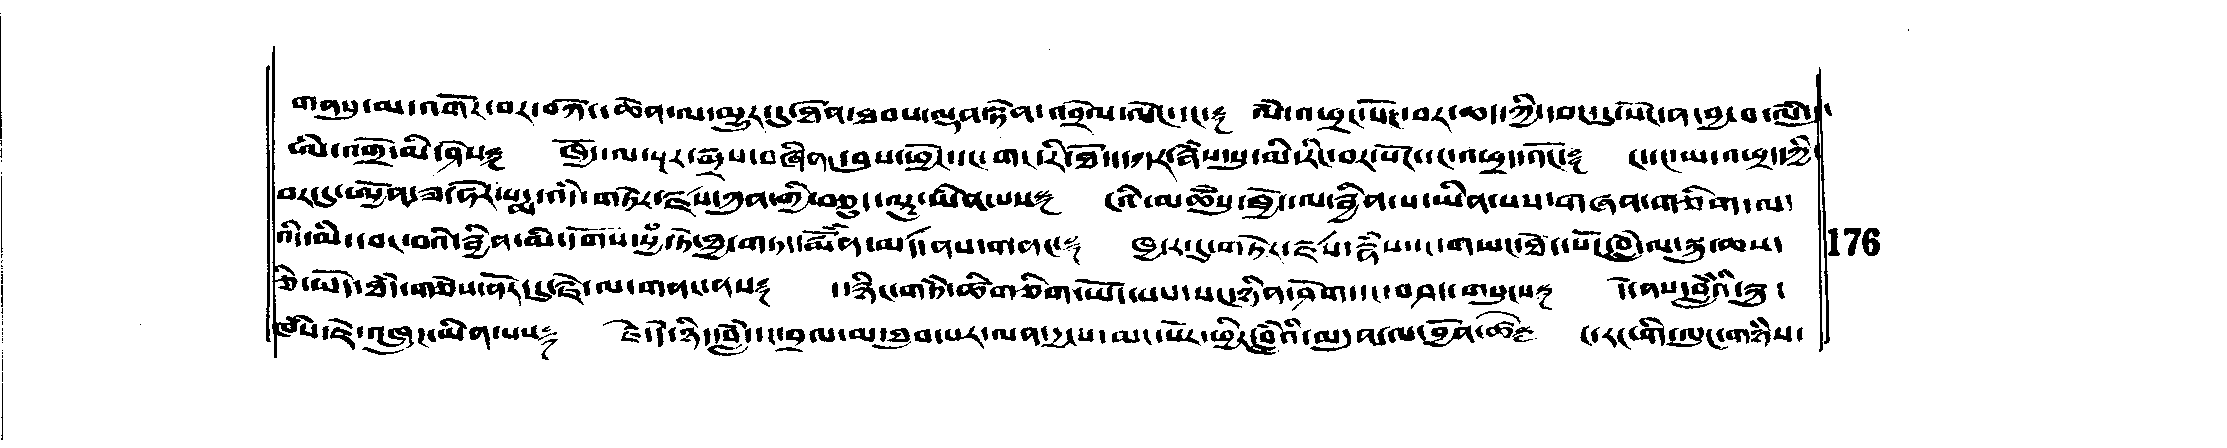གནས་སུ་མ་འགོར་བར་བཀོད་ཆེན་ལ་མྱུར་དུ་ཐོན་ཐབས་ལྡན་རྟེན་འབྲེལ་ལེགས་དང་། ལམ་འཕྲང་སོགས་བར་ཆད་ཀྱི་དབང་དུ་སོང་ན་བྱ་བ་ལམ་དུ་
ཨི་འགྲོ་མི་ཤེས། ཁྱོད་ལ་སྔར་སྨྲས་བཞིན་དབུས་ཕྱོགས་དང་གངས་རི་ཐོད་དཀར་རྣམས་སུ་མི་རིང་བར་སོང་དང་འཕྲད་འོང་། ང་དང་མ་འཕྲད་ཀྱི་
བར་དུ་ཨོ་རྒྱན་ཟ་ཧོར་པདྨ་འདི་གཏེར་རྫས་ཀུན་གྱི་བཅུད་ལྟ་བུ་ཡིན་པས། ངའི་མཚམས་སུ་ཁྱོད་ལ་སྦྱིན་པ་ཡིན་པས་གཞན་གཅིག་ལ་
འདི་མི་དབང་བས་སྦྱིན་མི་དགོས་གསུངས་ཏེ་ཐུགས་གཏད་སྨོན་ལམ་མཛད་ནས་གནང་། ཁྱད་པར་དུ་གཏེར་རྫས་རྣམས་དང་གཡང་ཐོད་སོགས་བླ་མ་ལ་སྐུ་ཆས་
ཅི་ཡོད་ཐམས་ཅད་གཅེས་ནོར་དུ་རྗེ་ལ་གནང་ནས། ད་སྙིང་གཏམ་ཚིག་གཅིག་ཡོད་པས་སང་ཉིན་ཤོག་དང་བཤད་གསུངས། དེ་ནས་བླ་མའི་སྐུ་
ཁམས་ཇེ་འཁྲུགས་ཡིན་པས། རྗེ་དེ་ཉིད་བླ་མ་དང་བྲལ་མ་ཐུབ་པར་ལན་རྒྱངས་མང་པོར་ཕྱིར་བླ་མའི་མདུན་ལ་བྱོན་ཚེ། ང་རང་གི་ལུགས་གཉིས་